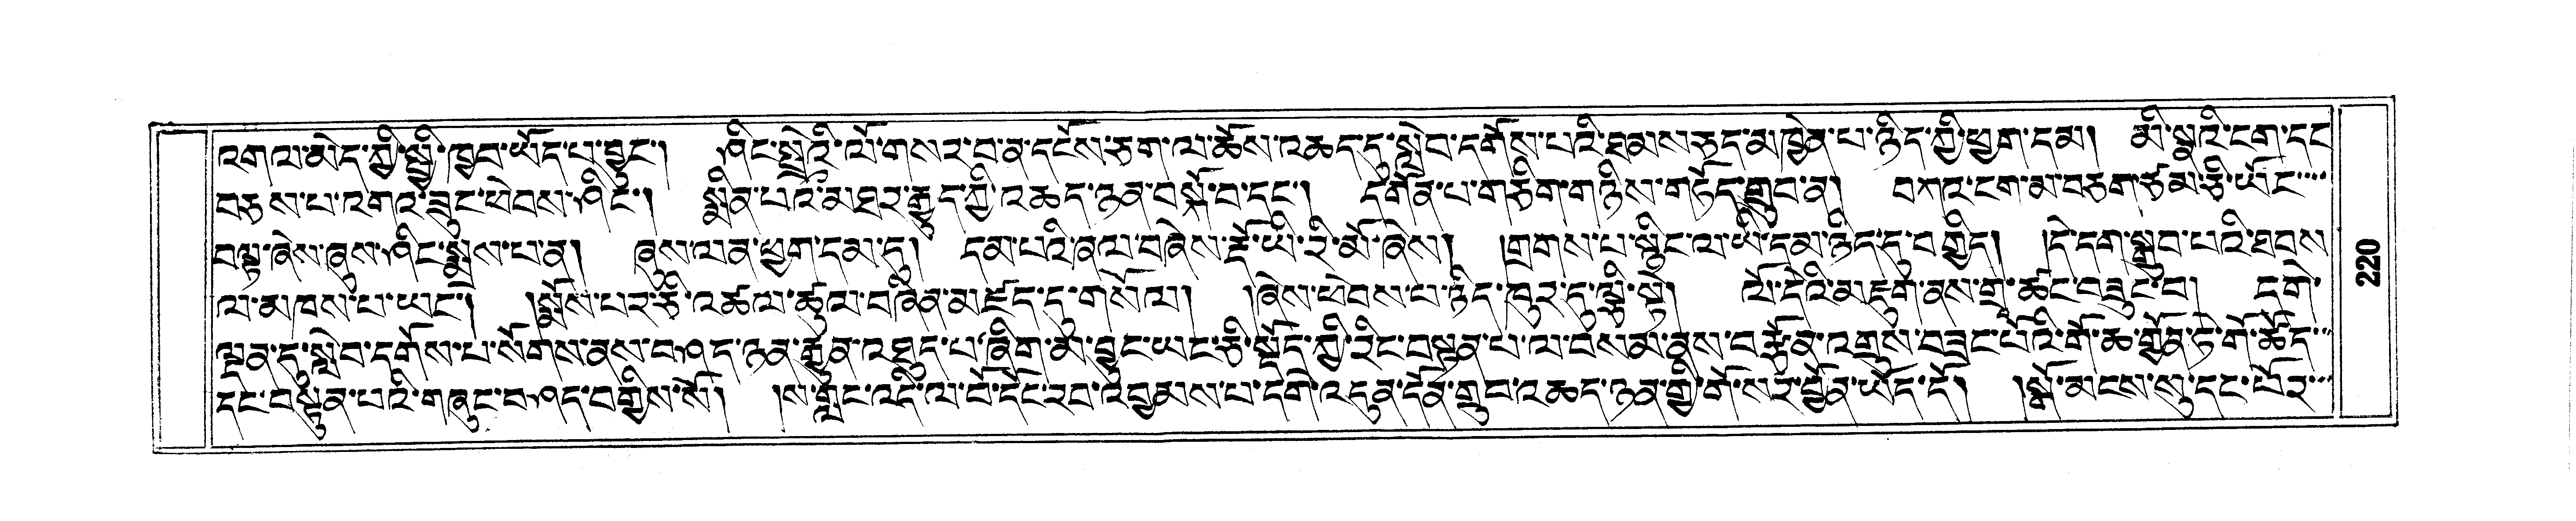འགལ་མེད་ཀྱི་སྤྱི་ཁྱབ་ཡོད་པ་བྱུང་། ཤིང་སྤྲེའི་ལོ་གསར་བ་ན་དངོས་ཅག་ལ་ཆོས་འཆད་དུ་སླེབ་དགོས་པའི་ཐམས་ཅད་མཁྱེན་པ་ཉིད་ཀྱི་ཕྱག་དམ། མི་སྣའི་ངག་དང་
བཅས་པ་འགའ་ཟུང་ཕེབས་ཤིང་། སྨིན་པཱྀ་མཐར་རྒྱུད་ཀྱི་འཆད་ཉན་བསྐོ་བ་དང་། དགོན་པ་གཅིག་གཉིས་གཏོད་གྲུབ་ན། བཀའ་ངག་མ་བཅག་ཙམ་ཅི་ཡོང་
བལྟ་ཞེས་ཞུས་ཤིང་སྨྲས་པ་ན། ཞུས་ལན་ཕྱག་དམ་དུ། དམ་པའི་ཞལ་བཞེས་རྡོ་ཡི་རི་མོ་ཞེས། །གྲགས་པ་སྙིང་ལ་ཡི་དམ་ཉིད་དུ་བགྱིད། །དེ་དག་སྒྲུབ་པའི་ཐབས་
ལ་མཁས་པ་ཡང་། །སྨོས་པར་ཅི་འཚལ་ཚུལ་བཞིན་མཛད་དུ་གསོལ། །ཞེས་ཕེབས་པ་ཉིད་ཁུར་དུ་ལྕི་སྟེ། ལོ་དེའི་མཇུག་ནས་གྲྭ་ཚང་བཟུང་བ། དགེ་
ལྡན་དུ་སླེབ་དགོས་པ་སོགས་ནས་བཤད་ཉན་རྒྱུན་འཐུད་པ་ཞིག་མ་བྱུང་ཡང་ཅི་སྡོད་ཀྱི་རིང་བསྟན་པ་ལ་བསམ་ནས་བརྩོན་འགྲུས་བཟང་པོའི་གོ་ཆ་གྱོན་ཏེ་གོ་ཚོད་
དང་བསྟུན་པའི་གཞུང་བཤད་བགྱིས་སོ། །ས་གླང་འདི་ལ་བོ་དོང་རབ་འབྱམས་པ་དགེ་འདུན་དོན་གྲུབ་འཆད་ཉན་གྱི་གོ་སར་བྱོན་ཡོད་དོ། །སྒོ་མངས་སུ་དང་པོར་